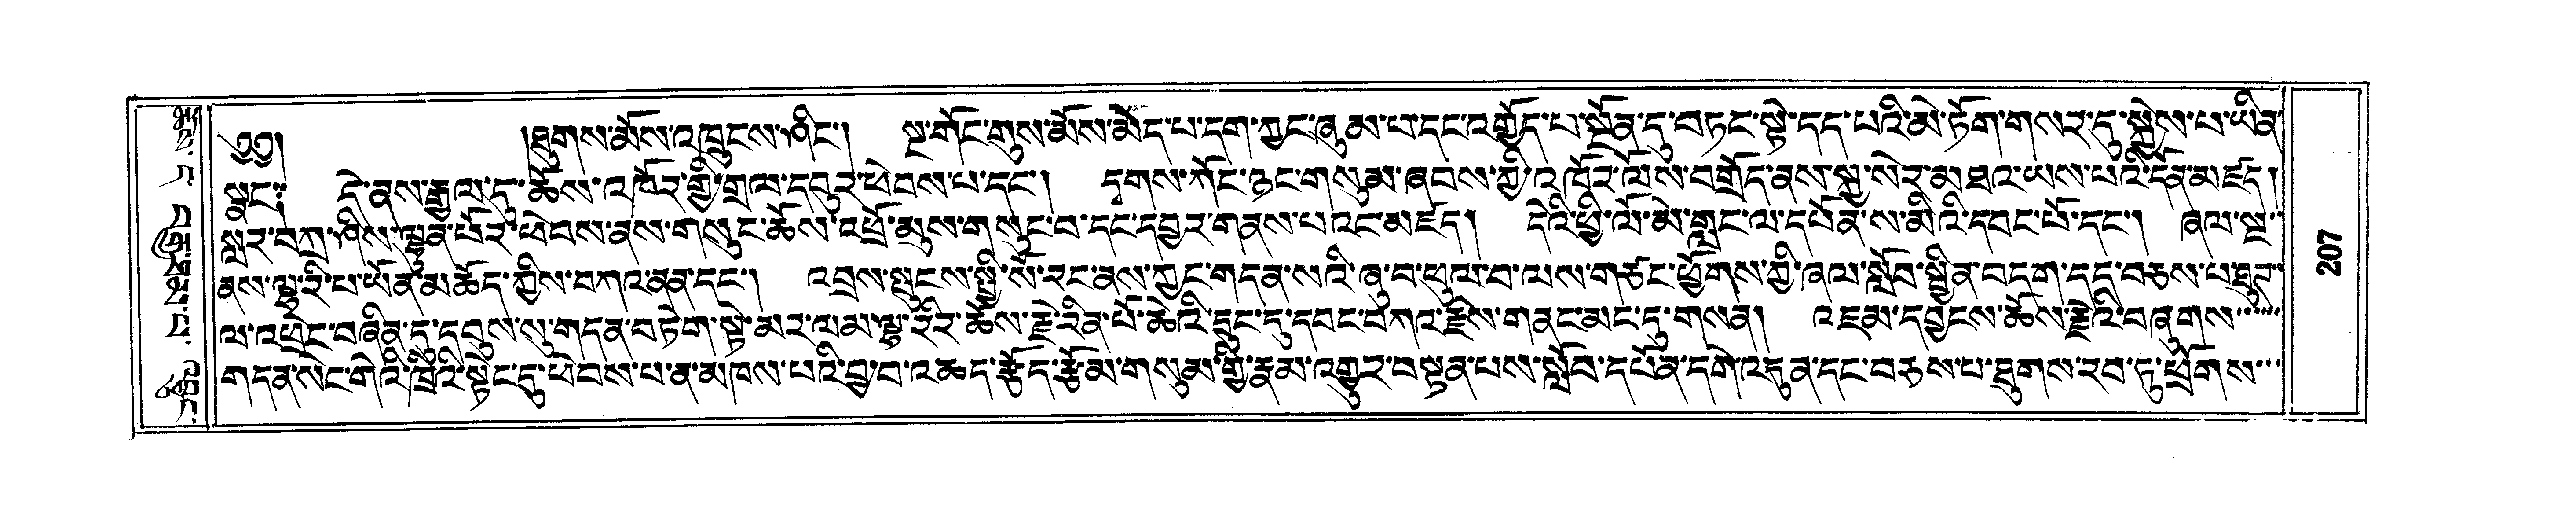༄༅། །ཐུགས་མོས་འཁྲུངས་ཤིང་། སྔ་གོང་གུས་མོས་མེད་པ་དག་ཀྱང་ཞུམ་པ་དང་འགྱོད་པ་སྔོན་དུ་བཏང་སྟེ་དད་པའི་མེ་ཏོག་གསར་དུ་སྐྱེས་པ་ཡིན་
སྣང༑ དེ་ནས་རྒྱལ་དུ་ཆོས་འཁོར་གྱི་གྲལ་དབུར་ཕེབས་པ་དང་། དྭགས་ཀོང་ཉང་གསུམ་ཞབས་ཀྱི་འཁོར་ལོས་བགྲོད་ནས་སྐྱ་སེར་མཐའ་ཡས་པའི་དོན་མཛད།
སླར་བཀྲ་ཤིས་ལྷུན་པོར་ཕེབས་ནས་གསུང་ཆོས་འཕྲོ་མུས་གསུང་བ་དང་དབྱར་གནས་པའང་མཛད། དེའི་ཕྱི་ལོ་མེ་གླང་ལ་དཔོན་ས་མིའི་དབང་པོ་དང་། ཞལ་སྔ་
ནས་ལྷ་རི་པ་ཡོན་མཆོད་ཀྱིས་བཀའ་ནན་དང་། འབྲས་སྤུངས་སྤྱི་སོ་རང་ནས་ཀྱང་གདན་སའི་ཞུ་བ་ཕུལ་བ་ལས་གཙང་ཕྱོགས་ཀྱི་ཞལ་སློབ་སྦྱིན་བདག་དད་བཅས་པ་ཐུཊ་
ལ་འཕྲེང་བཞིན་དུ་དབུས་སུ་གདན་བཏེག་སྟེ་མར་ལམ་ལྷ་རིར་ཆོས་རྗེ་རིན་པོ་ཆེའི་དྲུང་དུ་དབང་བཀའ་རྗེས་གནང་མང་དུ་གསན། འཇམ་དབྱངས་ཆོས་རྗེའི་བཞུགས་
གདན་སེང་གེའི་ཁྲིའི་སྟེང་དུ་ཕེབས་པ་ན་མཁས་པའི་བྱ་བ་འཆད་རྩོད་རྩོམ་གསུམ་གྱི་རྣམ་འགྱུར་བསྟན་པས་སློབ་དཔོན་དགེ་འདུན་དང་བཅས་པ་ཐུགས་རབ་ཏུ་ཕྲོགས་